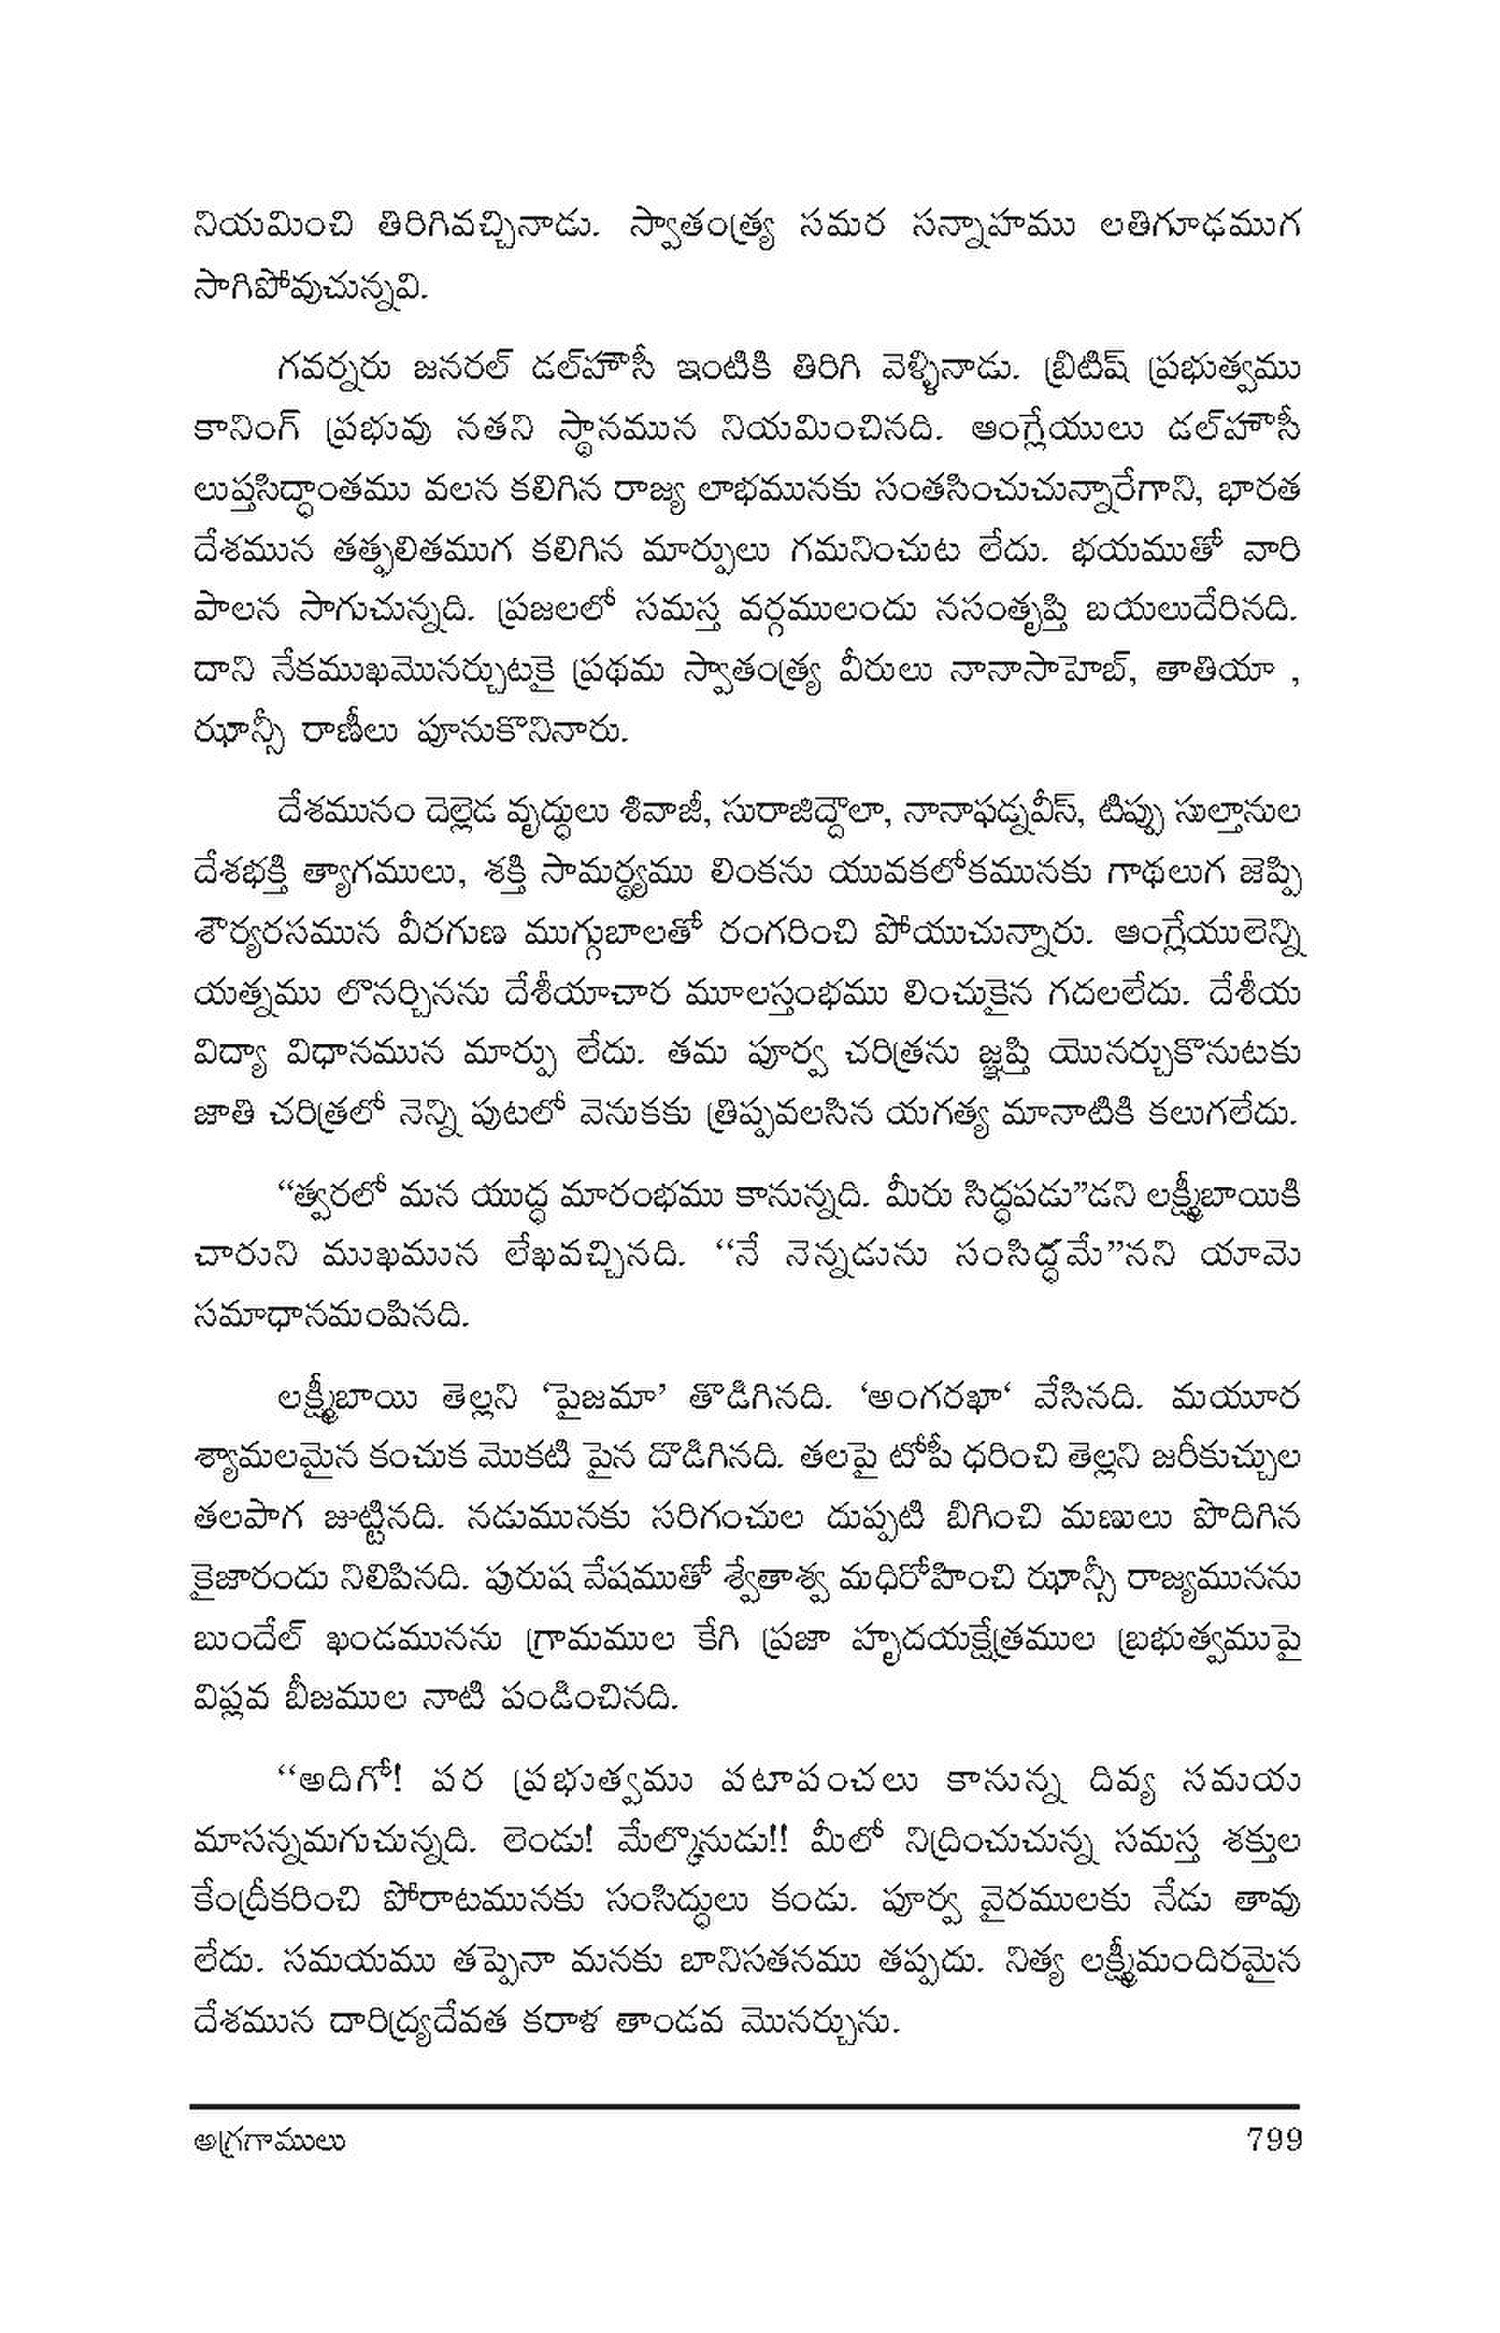నియమించి తిరిగివచ్చినాడు. స్వాతంత్ర్య సమర సన్నాహము లతిగూఢముగ సాగిపోవుచున్నవి.

గవర్నరు జనరల్ డల్హౌసీ ఇంటికి తిరిగి వెళ్ళినాడు. బ్రిటిష్ ప్రభుత్వము కానింగ్ ప్రభువు నతని స్థానమున నియమించినది. ఆంగ్లేయులు డల్హసీ లుప్తసిద్ధాంతము వలన కలిగిన రాజ్య లాభమునకు సంతసించుచున్నారేగాని, భారత దేశమున తత్ఫలితముగ కలిగిన మార్పులు గమనించుట లేదు. భయముతో వారి పాలన సాగుచున్నది. ప్రజలలో సమస్త వర్గములందు నసంతృప్తి బయలుదేరినది. దాని నేకముఖమొనర్చుటకై ప్రథమ స్వాతంత్ర్య వీరులు నానాసాహెబ్, తాతియా, ఝాన్సీ రాణీలు పూనుకొనినారు.

దేశమునం దెల్లెడ వృద్ధులు శివాజీ, సురాజిద్దాలా, నానాఫడ్నవీస్, టిప్పు సుల్తానులు దేశభక్తి త్యాగములు, శక్తి సామర్థ్యము లింకను యువకలోకమునకు గాథలుగ జెప్పి
శౌర్యరసమున వీరగుణ ముగ్గుబాలతో రంగరించి పోయుచున్నారు. ఆంగ్లేయులెన్ని యత్నము లొనర్చినను దేశీయాచార మూలస్తంభము లించుకైన గదలలేదు. దేశీయ విద్యా విధానమున మార్పు లేదు. తమ పూర్వ చరిత్రను జ్ఞప్తి యొనర్చుకొనుటకు జాతి చరిత్రలో నెన్ని పుటలో వెనుకకు త్రిప్పవలసిన యగత్య మానాటికి కలుగలేదు.

“త్వరలో మన యుద్ధ మారంభము కానున్నది. మీరు సిద్ధపడు"డని లక్ష్మీబాయికి చారుని ముఖమున లేఖవచ్చినది. "నే నెన్నడును సంసిద్ధమేనని యామె సమాధానమంపినది.

లక్ష్మీబాయి తెల్లని 'పైజమా' తొడిగినది. 'అంగరఖా' వేసినది. మయూర శ్యామలమైన కంచుక మొకటి పైన దొడిగినది. తలపై టోపీ ధరించి తెల్లని జరీకుచ్చుల తలపాగ జుట్టినది. నడుమునకు సరిగంచుల దుప్పటి బిగించి మణులు పొదిగిన కైజారందు నిలిపినది. పురుష వేషముతో శ్వేతాశ్వ మధిరోహించి ఝాన్సీ రాజ్యమునను బుందేల్ ఖండమునను గ్రామముల కేగి ప్రజా హృదయ క్షేత్రముల బ్రభుత్వముపై విప్లవ బీజముల నాటి పండించినది.

“అదిగో! పర ప్రభుత్వము పటాపంచలు కానున్న దివ్య సమయమాసన్నమగుచున్నది. లెండు! మేల్కొనుడు!! మీలో నిద్రించుచున్న సమస్త శక్తుల కేంద్రీకరించి పోరాటమునకు సంసిద్ధులు కండు. పూర్వ వైరములకు నేడు తావు లేదు. సమయము తప్పెనా మనకు బానిసతనము తప్పదు. నిత్య లక్ష్మీమందిరమైన దేశమున దారిద్రదేవత కరాళ తాండవ మొనర్చును.